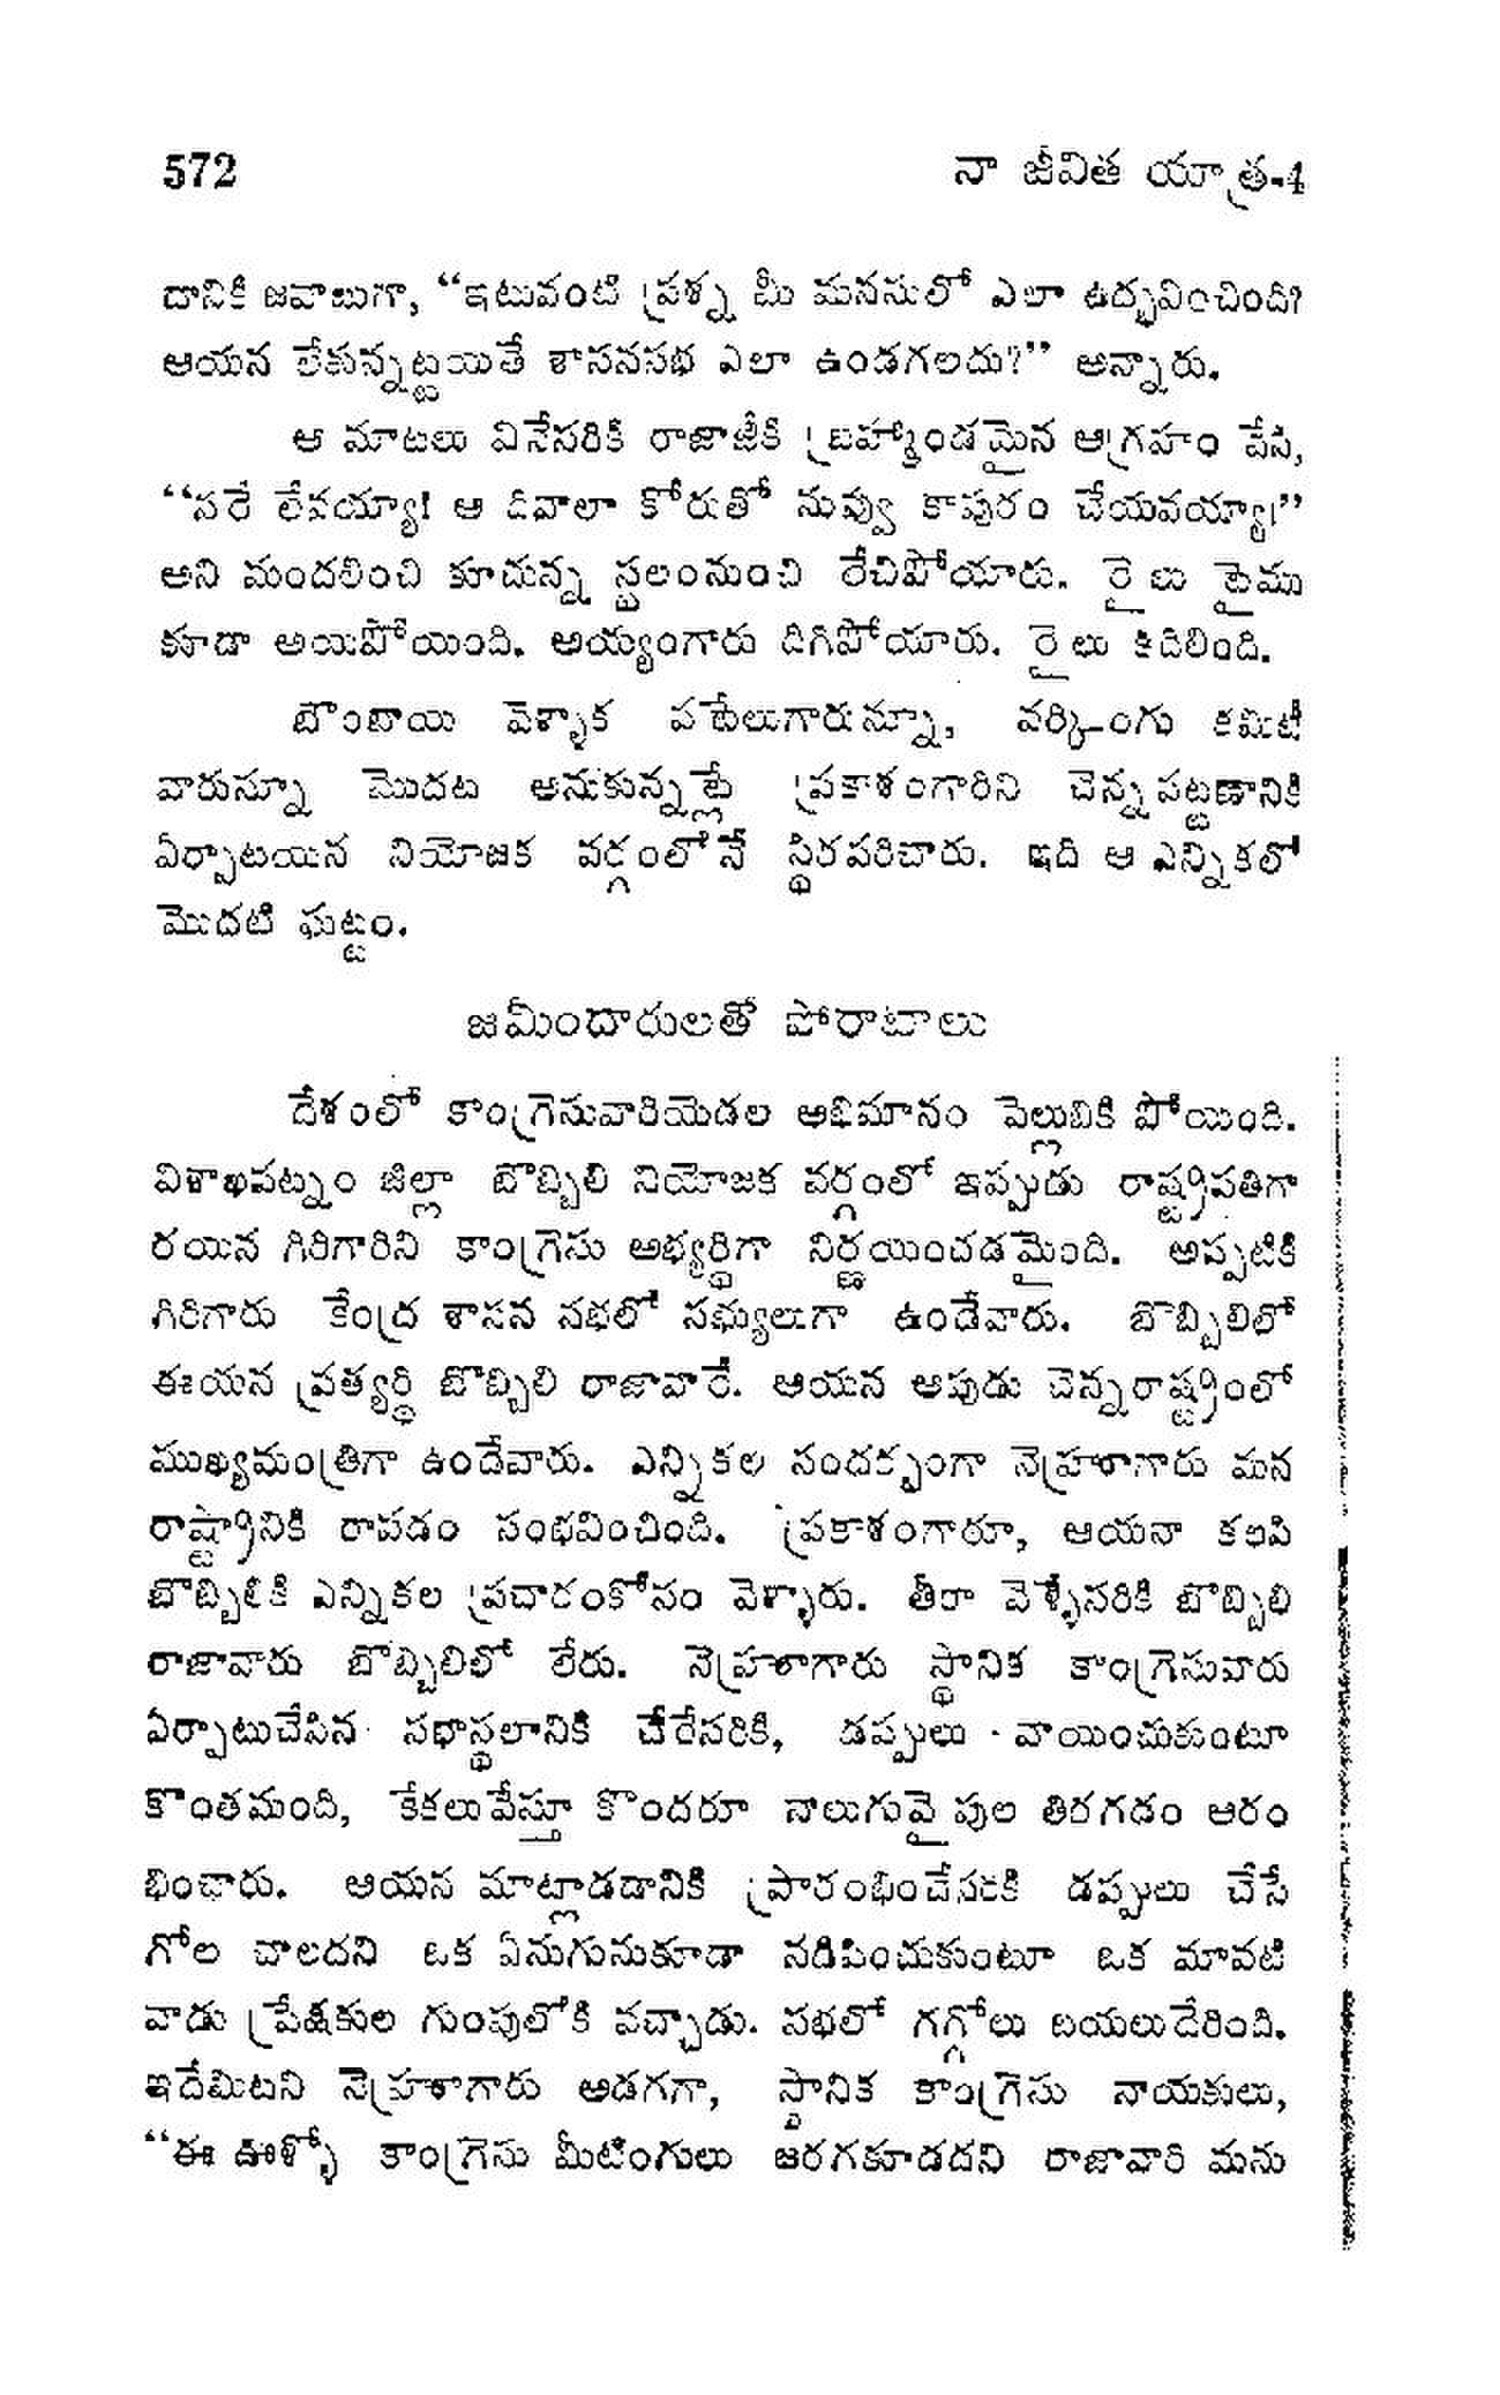దానికి జవాబుగా, "ఇటువంటి ప్రశ్న మీ మనసులో ఎలా ఉద్భవించింది? ఆయన లేకున్నట్టయితే శాసనసభ ఎలా ఉండగలదు?" అన్నారు.

ఆ మాటలు వినేసరికి రాజాజీకి బ్రహ్మాండమైన ఆగ్రహం వేసి, "సరే లేవయ్యా! ఆ దివాలా కోరుతో నువ్వు కాపురం చేయవయ్యా!" అని మందలించి కూచున్న స్థలంనుంచి లేచిపోయారు. రైలు టైముకూడా అయిపోయింది. అయ్యంగారు దిగిపోయారు. రైలు కదిలింది.

బొంబాయి వెళ్ళాక పటేలుగారున్నూ, వర్కింగు కమిటీవారున్నూ మొదట అనుకున్నట్లే ప్రకాశంగారిని చెన్నపట్టణానికి ఏర్పాటయిన నియోజక వర్గంలోనే స్థిరపరిచారు. ఇది ఆ ఎన్నికలో మొదటి ఘట్టం.

దేశంలో కాంగ్రెసువారియెడల అభిమానం పెల్లుబికి పోయింది. విశాఖపట్నం జిల్లా బొబ్బిలి నియోజక వర్గంలో ఇప్పుడు రాష్ట్రపతిగారయిన గిరిగారిని కాంగ్రెసు అభ్యర్థిగా నిర్ణయించడమైంది. అప్పటికి గిరిగారు కేంద్ర శాసన సభలో సభ్యులుగా ఉండేవారు. బొబ్బిలిలో ఈయన ప్రత్యర్థి బొబ్బిలి రాజావారే. ఆయన అపుడు చెన్నరాష్ట్రంలో ముఖ్యమంత్రిగా ఉండేవారు. ఎన్నికల సందర్భంగా నెహ్రూగారు మన రాష్ట్రానికి రావడం సంభవించింది. ప్రకాశంగారూ, ఆయనా కలసి బొబ్బిలికి ఎన్నికల ప్రచారంకోసం వెళ్ళారు. తీరా వెళ్ళేసరికి బొబ్బిలి రాజావారు బొబ్బిలిలో లేరు. నెహ్రూగారు స్థానిక కాంగ్రెసువారు ఏర్పాటుచేసిన సభాస్థలానికి చేరేసరికి, డప్పులు - వాయించుకుంటూ కొంతమంది, కేకలువేస్తూ కొందరూ నాలుగువైపుల తిరగడం ఆరంభించారు. ఆయన మాట్లాడడానికి ప్రారంభించేసరికి డప్పులు చేసేగోల చాలదని ఒక ఏనుగుకూడా నడిపించుకుంటూ ఒక మావటివాడు ప్రేక్షకుల గుంపులోకి వచ్చాడు. సభలో గగ్గోలు బయలుదేరింది. ఇదేమిటని నెహ్రూగారు అడగగా, స్థానిక కాంగ్రెసు నాయకులు, "ఈ ఊళ్ళో కాంగ్రెసు మీటింగులు జరగకూడదని రాజావారి మను